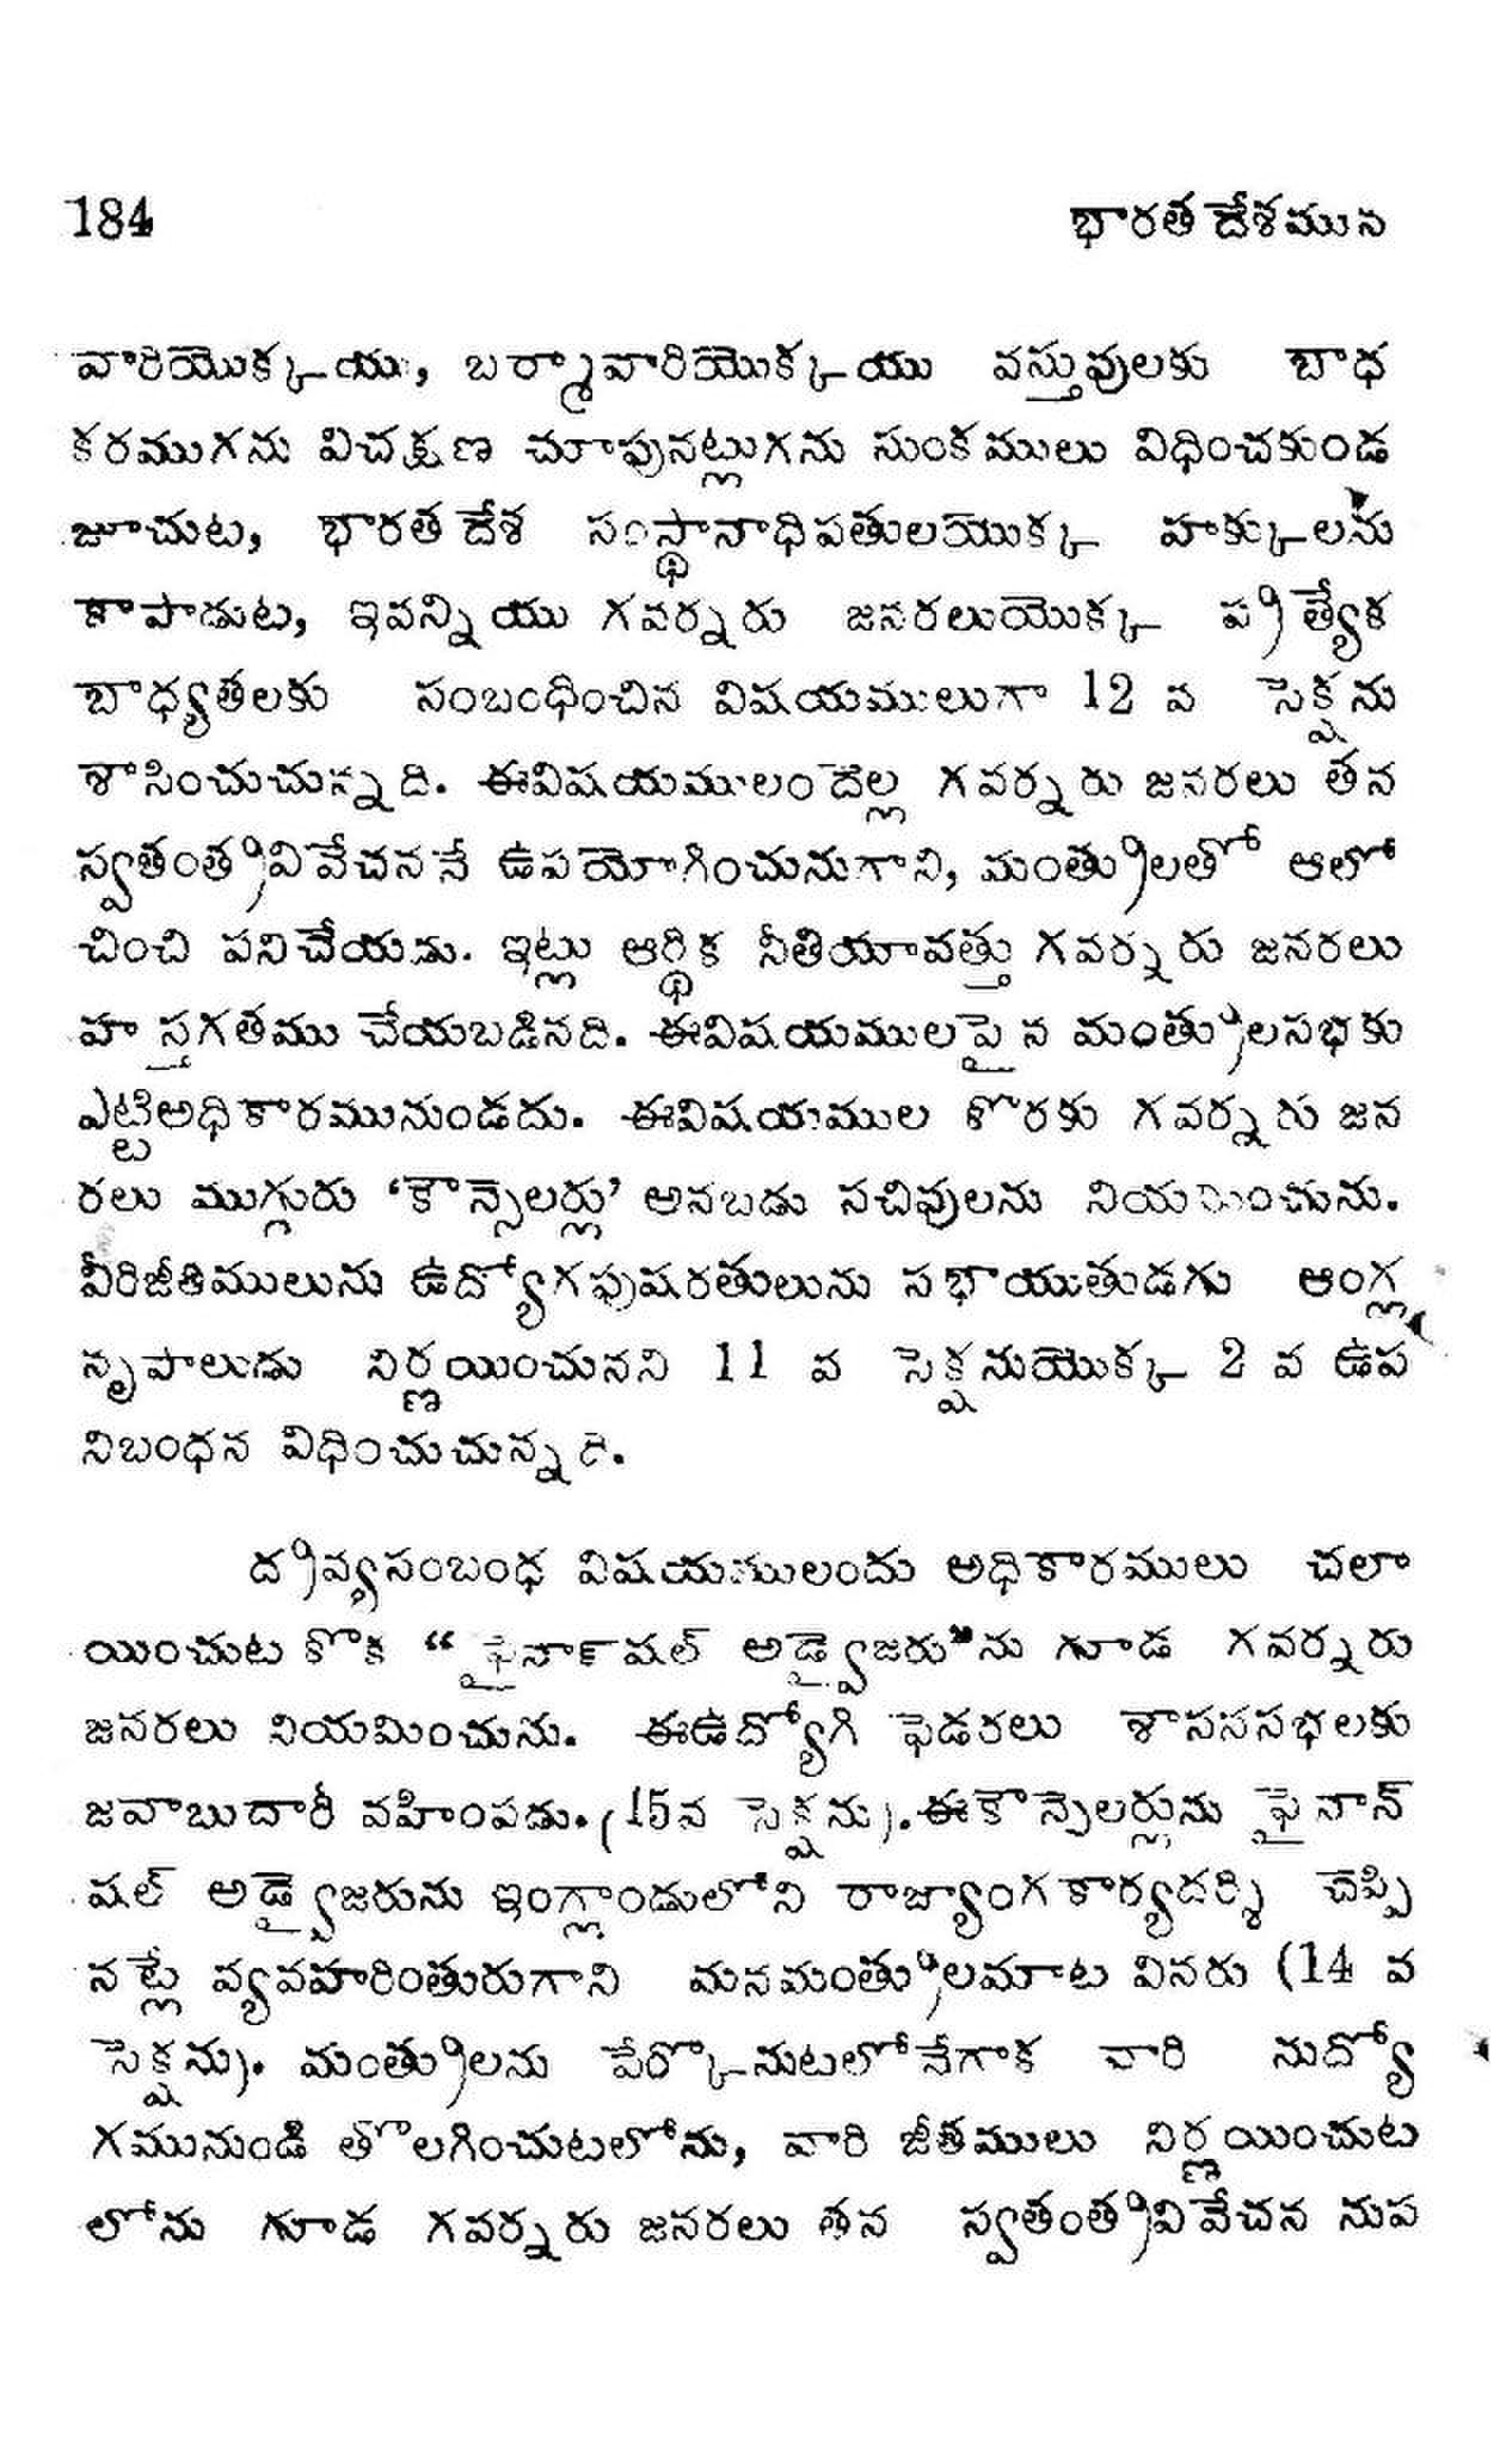వారియొక్కయు, బర్మావారియొక్కయు వస్తువులకు బాధకరముగను విచక్షణ చూపునట్లుగను సుంకములు విధించకుండ జూచుట, భారతదేశ సంస్థానాధిపతులయొక్క హక్కులను కాపాడుట, ఇవన్నియు గవర్నరు జనరలుయొక్క ప్రత్యేక బాధ్యతలకు సంబంధించిన విషయములుగా 12 వ సెక్షను శాసించుచున్నది. ఈ విషయములందెల్ల గవర్నరు జనరలు తన స్వతంత్రవివేచననే ఉపయోగించునుగాని, మంత్రులతో ఆలోచించి పనిచేయడు. ఇట్లు ఆర్థిక నీతియావత్తు గవర్నరు జనరలు హస్తగతము చేయబడినది. ఈ విషయములపైన మంత్రులసభకు ఎట్టిఅధికారమునుండదు. ఈవిషయముల కొరకు గవర్నరు జనరలు ముగ్గురు 'కౌన్సెలర్లు' అనబడు సచివులను నియమించును. వీరిజీతిములును ఉద్యోగఫుషరతులును సభాయుతుడగు ఆంగ్లనృపాలుడు నిర్ణయించునని 11 వ సెక్షనుయొక్క 2 వ ఉప నిబంధన విధించుచున్నది.

ద్రవ్యసంబంధ విషయములందు అధికారములు చలాయించుట కొక "ఫైనా౯షల్ అడ్వైజరు"ను గూడ గవర్నరు జనరలు నియమించును. ఈఉద్యోగి ఫెడరలు శాసనసభలకు జవాబుదారీ వహింపడు. ( 15వ సెక్షను ). ఈకౌన్సెలర్లును ఫైనాన్‌షల్ అడ్వైజరును ఇంగ్లాండులోని రాజ్యాంగకార్యదర్శి చెప్పినట్లే వ్యవహరింతురుగాని మనమంత్రులమాట వినరు (14 వ సెక్షను). మంత్రులను పేర్కొనుటలోనేగాక వారి నుద్యోగమునుండి తొలగించుటలోను, వారి జీతములు నిర్ణయించుటలోను గూడ గవర్నరు జనరలు తన స్వతంత్రవివేచన నుప